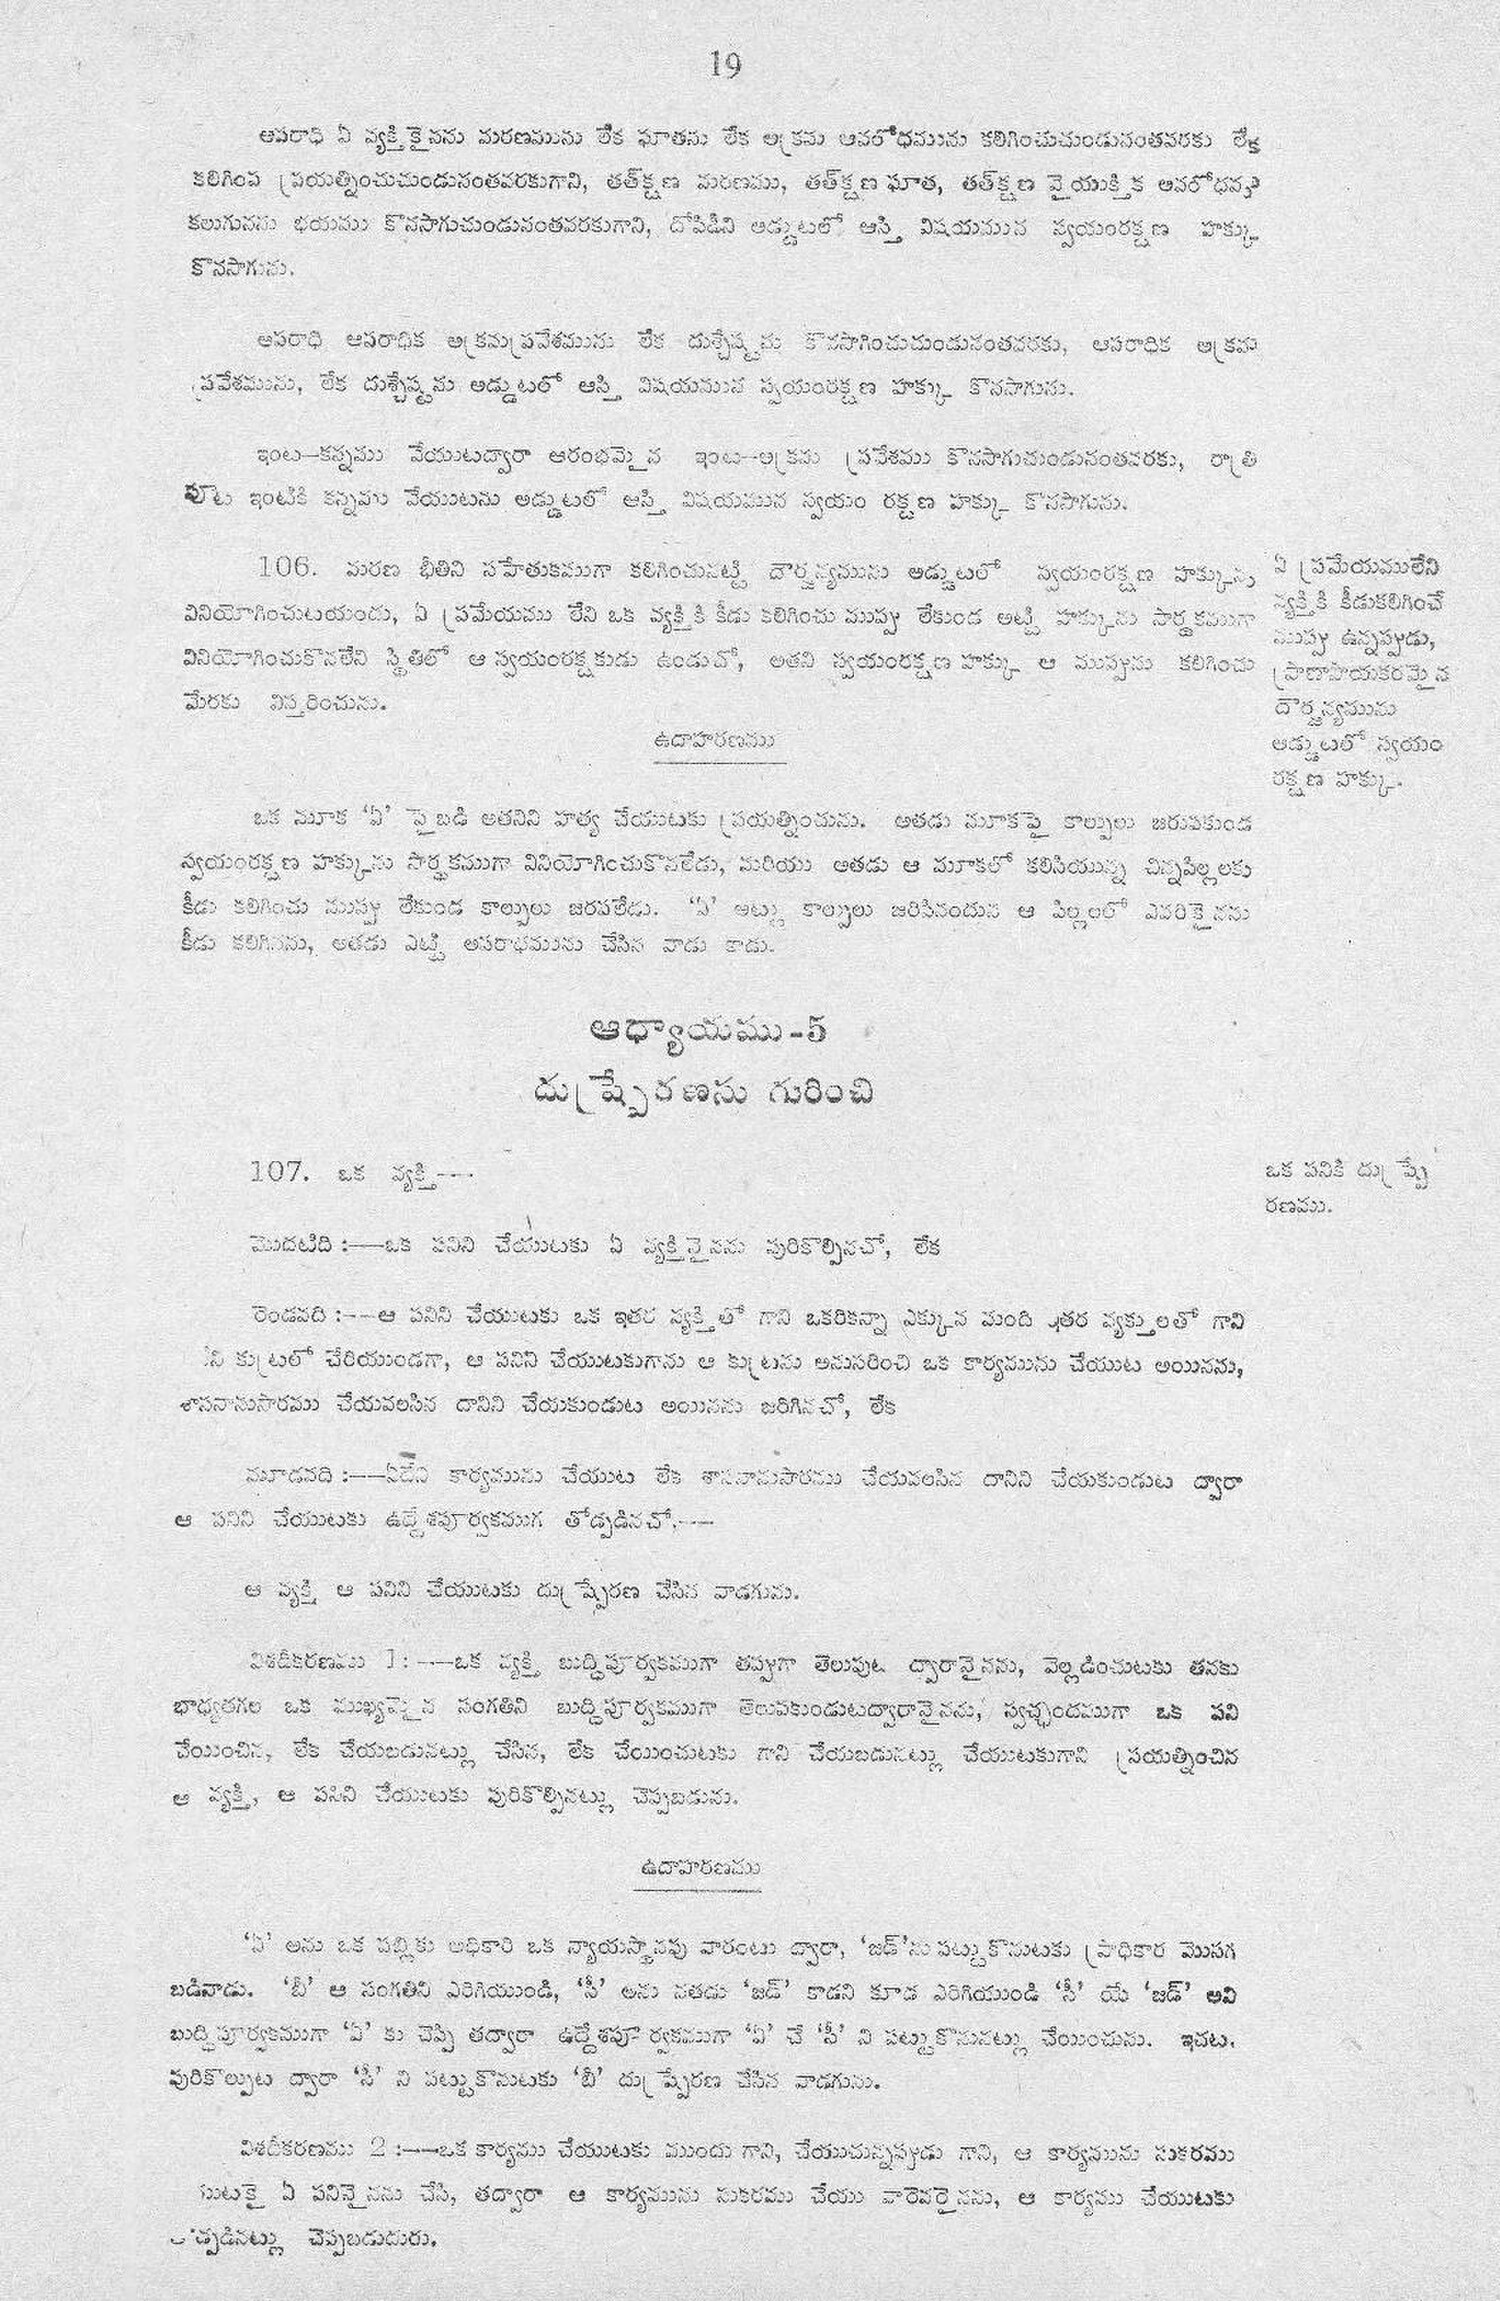అపరాధి ఏ వ్యక్తికైనను మరణమును లేక ఘాతను లేక అక్రమ అవరోధమును కలిగించుచుండునంతవరకు లేక కలిగింప ప్రయత్నించుచుండునంతవరకుగాని, తత్ క్షణ మరణము, తత్ క్షణ ఘాత, తత్ క్షణ వైయుక్తిక అవరోధము కలుగునని భయము కొనసాగుచుండునంతవరకుగాని, దోపిడిని అడ్డుటలో ఆస్తి విషయమున స్వయంరక్షణ హక్కు కొనసాగును.

అపరాధి అపరాధిక అక్రమ ప్రవేశమును లేక దుశ్చేష్టను కొనసాగించుచుండునంతవరకు, అపరాధిక అక్రమ ప్రవేశమును, లేక దుశ్చేష్టను అడ్డుటలో ఆస్తి విషయమున స్వయంరక్షణ హక్కు కొనసాగును.

ఇంట-కన్నము చేయుటద్వారా ఆరంభమైన ఇంట -అక్రమ ప్రవేశము కొనసాగుచుండునంతవరకు, రాత్రి పూట ఇంటికి కన్నము వేయుటను అడ్డుటలో ఆస్తి విషయమున స్వయం రక్షణ హక్కు కొనసాగును.

ఏ ప్రమేయములేని వ్యక్తికి కీడు కలిగించే ముప్పు ఉన్నప్పుడు, ప్రాణాపాయకరమైన దౌర్జన్యమును అడ్డుటలో స్వయం రక్షణ హక్కు

106. మరణ భీతిని సహేతుకముగా కలిగించునట్టి దౌర్జన్యముని అడుటలో స్వయంరక్షణ హక్కును వినియోగించుట యందు, ఏ ప్రమేయము లేని ఒక వ్యక్తికి కీడు కలిగించు ముప్పు లేకుండ అట్టి హక్కును సార్థకముగా వినియోగించు కొనలేని స్థితిలో ఆ స్వయంరక్షకుడు ఉండునో, అతని స్వయం రక్షణ హక్కు ఆ ముప్పును కలిగించు మేరకు విస్మరించును.

ఒక మూక 'ఎ' పై బడి అతనిని హత్య చేయుటకు ప్రయత్నించును. అతడు మూకపై కాల్పులు జరుపకుండ
స్వయంరక్షణ హక్కును సార్ధకముగా వినియోగించుకొనలేదు, మరియు అతడు ఆ మూకలో కలిసియున్న చిన్నపిల్లలకు
కీడు కలిగించు ముప్పు లేకుండ కాల్పులు జరపలేదు. 'ఏ' అటు కాల్పులు జరిపినందున ఆ పిల్లలలో ఎవరికైనను
కీడు కలిగినను, అతడు ఎట్టి అపరాధమును చేసిన వాడు కాడు.

ఒక పనికి దుష్ప్రేరణము.

107. ఒక వ్యక్తి---

మొదటిది : --- ఒక పనిని చేయుటకు ఏ వ్యక్తినైనను పురికొల్పినచో, లేక

రెండవది :-- ఆ పనిని చేయుటకు ఒక ఇతర వ్యక్తితో గాని ఒకరికన్నా ఎక్కుమ మంది ఇతర వ్యక్తులతో గాని కుట్రలో చేరియుండగా, ఆ పనిని చేయుటకుగాను ఆ కుట్రను అనుసరించి ఒక కార్యమును చేయుట అయినను,శాసనానుసారము చేయవలసిన దానిని చేయకుండుట అయినను జరిగినచో, లేక

మూడవది ----- ఏదేని కార్యమును చేయుట లేక శాసనానుసారము చేయవలసిన దానిని చేయకుండుట ద్వారా ఆ పనిని చేయుటకు ఉద్దేశపూర్వకముగ తోడ్పడినచో.——

ఆ వ్యక్తి ఆ పనిని చేయుటకు దుష్ప్రేరణ చేసిన వాడగును.

విశదీకరణము : --- ఒక వ్యక్తి బుద్ధిపూర్వకముగా తప్పుగా తెలుపుట ద్వారానైనను, వెల్లడించుటకు తనకు భాధ్యతగల ఒక ముఖ్యమైన సంగతిని బుద్ధి పూర్వకముగా తెలుపకుండుట ద్వారానైనను, స్వచ్ఛందముగా ఒక పని చేయించిన, లేక చేయబడునట్లు చేసిన, లేక చేయించుటకు గాని చేయబడునట్లు చేయుటకుగాని ప్రయత్నించిన ఆ వ్యక్తి, ఆ పనిని చేయుటకు పురికొల్పినట్లు చెప్పబడును.

'ఏ' అను ఒక పబ్లికు అధికారి ఒక న్యాయస్థానపు వారంటు ద్వారా, 'జడ్'ను పట్టుకొనుటకు ప్రాధికార మొసగబడినాడు. 'బి' ఆ సంగతిని ఎరిగియుండి, 'సీ' అను నతడు 'జడ్' కాడని కూడ ఎరిగియుండి 'సీ' యే 'జడ్' అని బుద్ధి పూర్వకముగా 'ఏ' కు చెప్పి తద్వారా ఉద్దేశపూర్వకముగా 'ఏ' చే 'సీ' ని పట్టుకొనునట్లు చేయించును. ఇచట,
పురికొల్పుట ద్వారా 'సీ' ని పట్టు కొనుటకు 'బీ' దుష్ప్రేరణ చేసిన వాడగును.

విశదీకరణము 2:--ఒక కార్యము చేయుటకు ముందు గాని, చేయుచున్నప్పుడు గాని, ఆ కార్యమును సుకరము
చేయుటకై ఏ పనినైనను చేసి, తద్వారా ఆ కార్యమును సుకరము చేయు వారెవరైనను, ఆ కార్యము చేయుటకు
తోడ్పడినట్లు చెప్పబడుదురు.